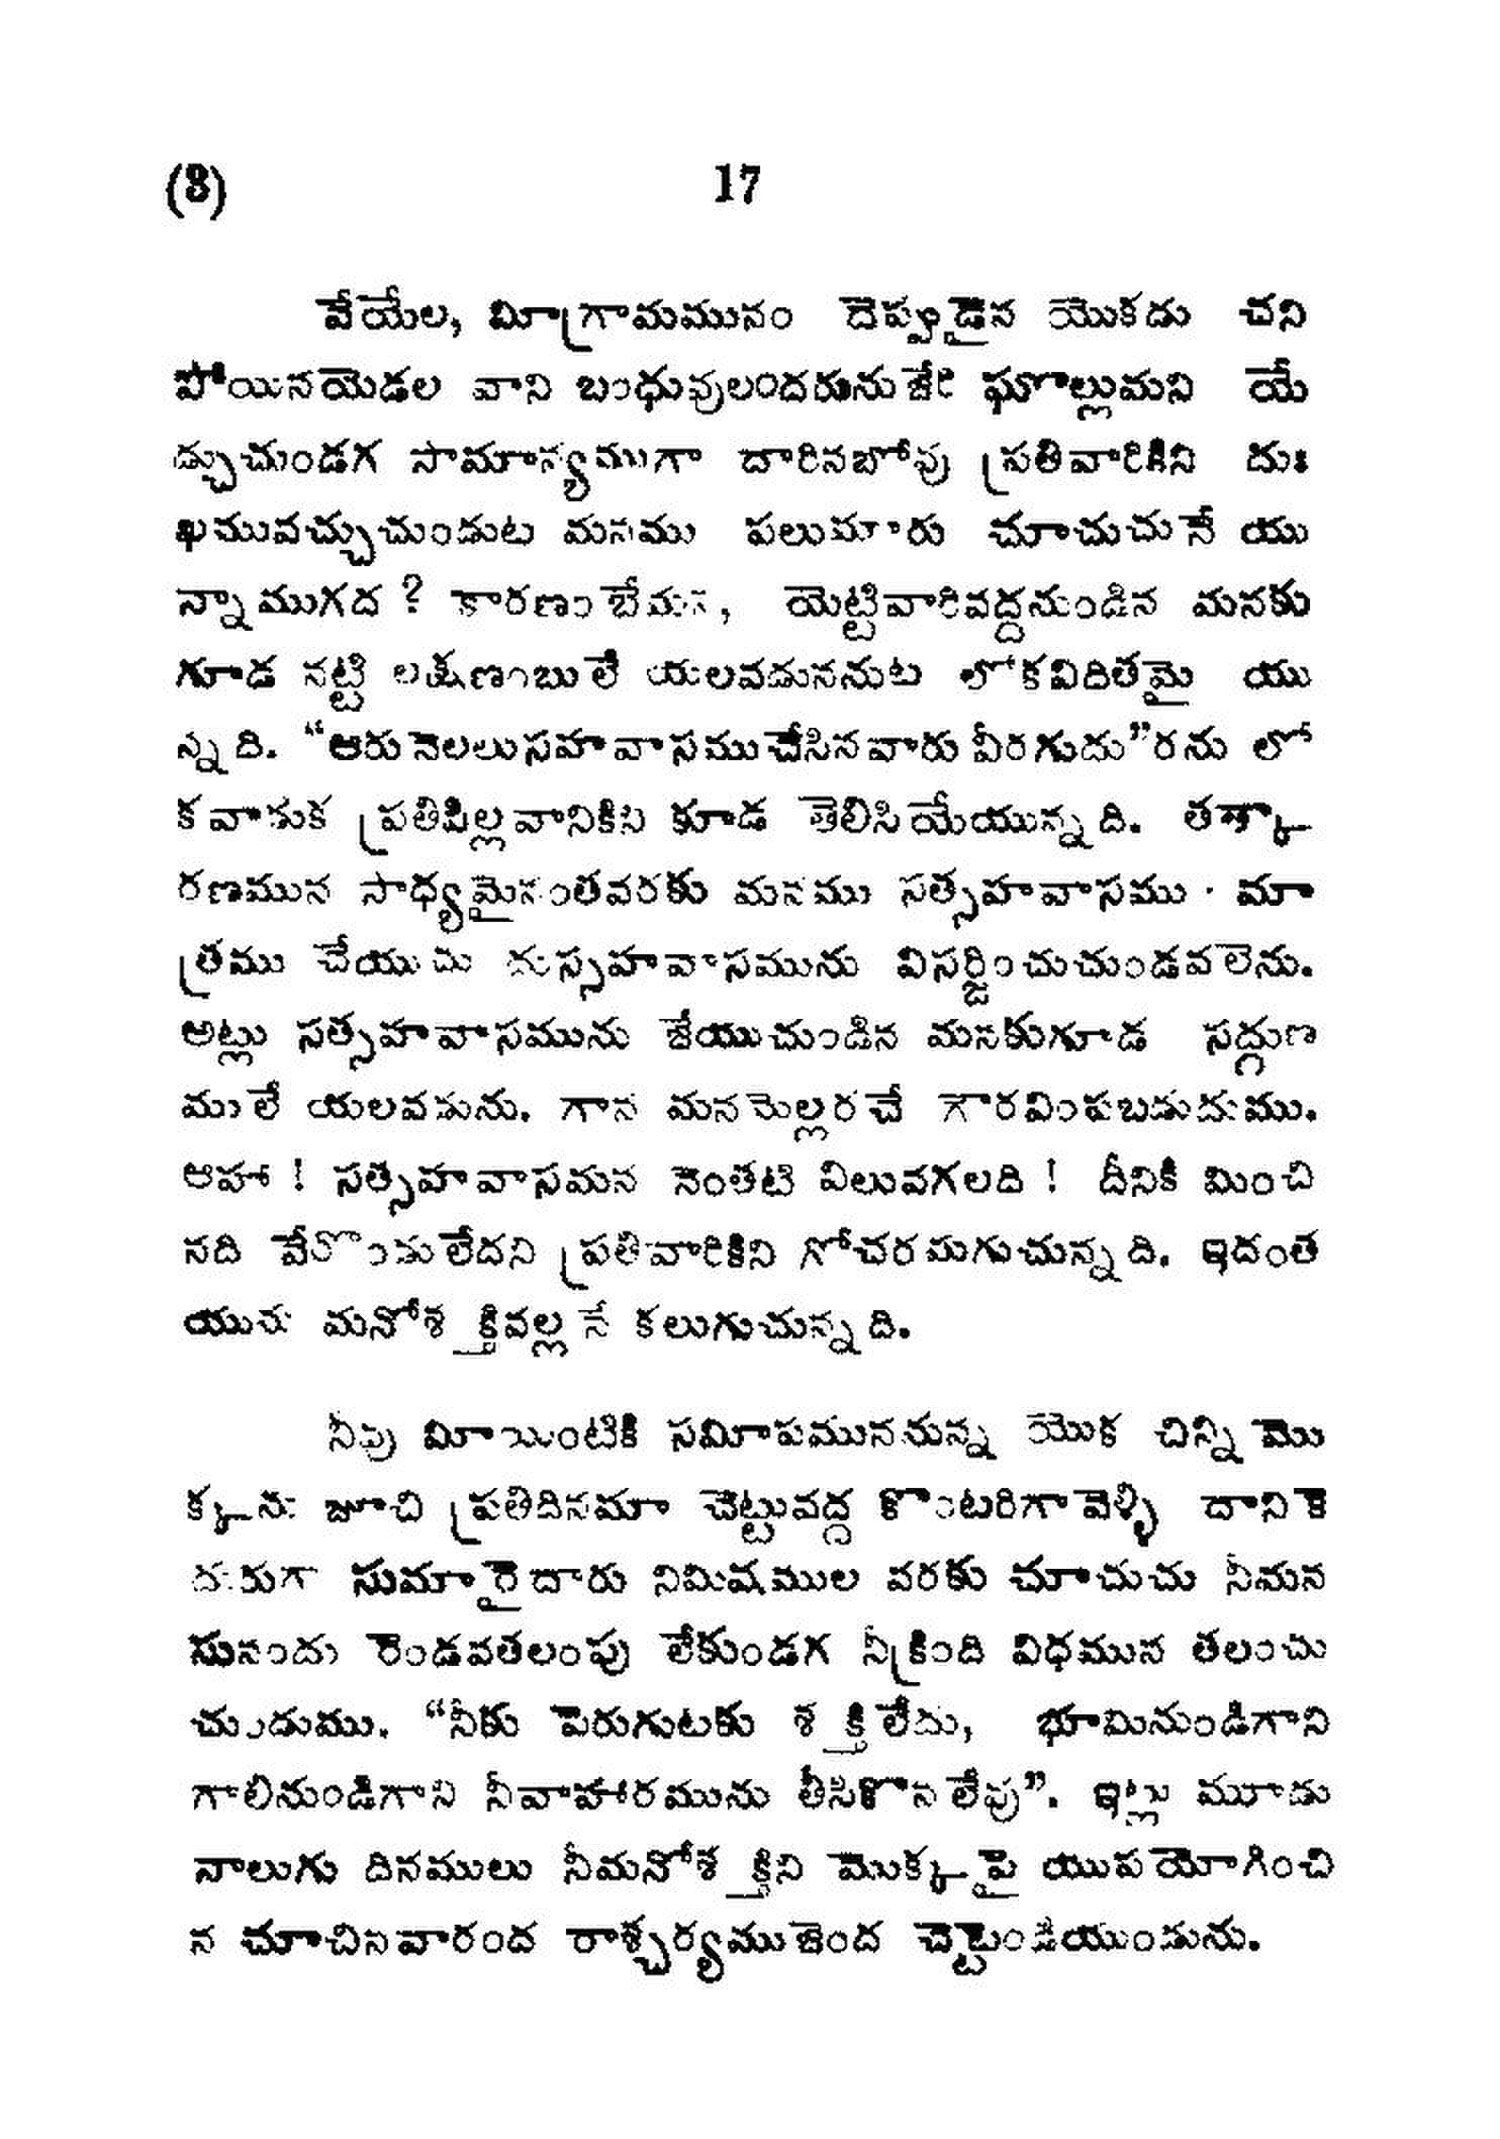వేయేల, మీగ్రామమునం దెప్పుడైన యొకడు చనిపోయినయెడల వాని బంధువులందరునుజేరి ఘొల్లుమని యేడ్చుచుండగ సామాన్యముగా దారినబోవు ప్రతివారికిని దుఃఖమువచ్చుచుండుట మనము పలుమారు చూచుచునే యున్నాముగద ? కారణంబేమన, యెట్టివారివద్దనుండిన మనకు
గూడ నట్టి లక్షణంబులే యలవడుననుట లోకవిదితమై యున్నది. “ఆరునెలలుసహవాసముచేసిన వారు వీరగుదు”రను లోకవాడుక ప్రతిపిల్లవానికిని కూడ తెలిసియేయున్నది. తత్కారణమున సాధ్యమైనంతవరకు మనము సత్సహవాసము మాత్రము చేయుచు దుస్సహవాసమును విసర్జించు చుండవలెను. అట్లు సత్సహవాసమును జేయుచుండిన మనకుగూడ సద్గుణములే యలవడును. గాన మనమెల్లరచే గౌరవింపబడుదుము. ఆహా ! సత్సహవాసమన నెంతటి విలువగలది ! దీనికి మించినది వేరొండులేదని ప్రతివారికిని గోచరమగుచున్నది. ఇదంతయును మనోశక్తివల్లనే కలుగుచున్నది.

నీవు మీయింటికి సమీపముననున్న యొక చిన్నిమొక్కను జూచి ప్రతిదినమా చెట్టువద్ద కొంటరిగావెళ్ళి దానికెదురుగా సుమారైదారు నిమిషముల వరకు చూచుచు నీమనసుసందు రెండవతలంపు లేకుండగ నీక్రింది విధమున తలంచు చుండుము. “నీకు పెరుగుటకు శక్తి లేదు, భూమినుండిగాని
గాలినుండిగాని నీవాహారమును తీసికొనలేవు”. ఇట్లు మూడు నాలుగు దినములు నీమనోశక్తిని మొక్కపై యుపయోగించిన చూచినవారంద రాశ్చర్యముజెంద చెట్టండియుండును.